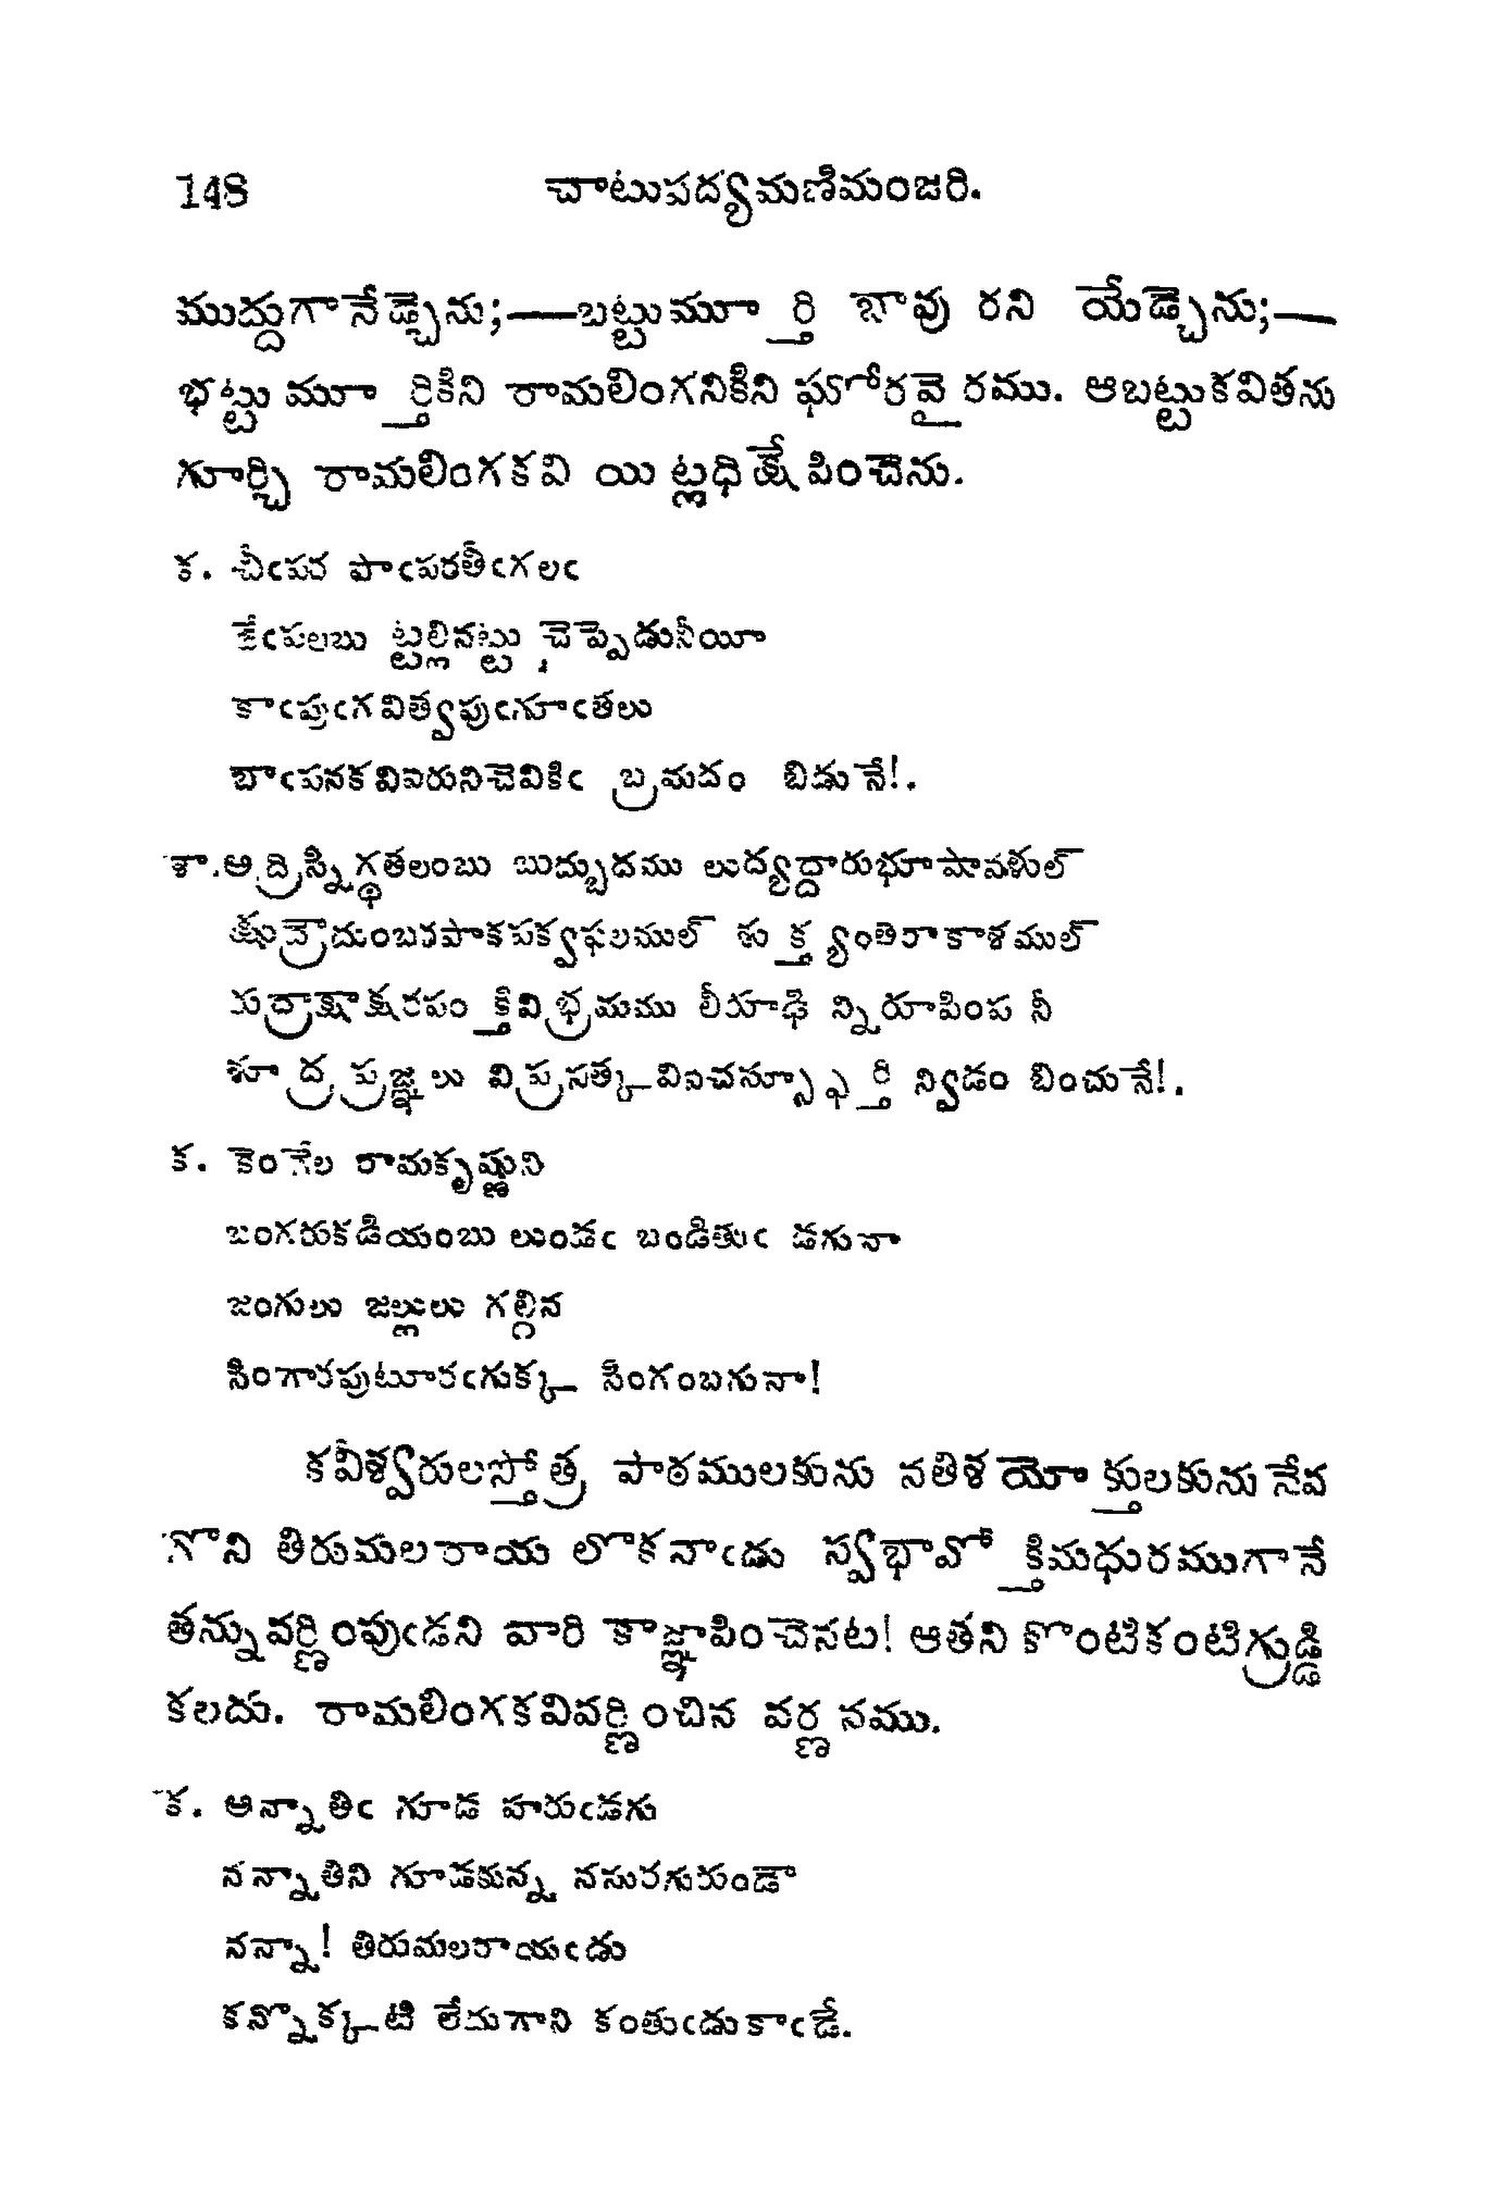ముద్దుగా నేడ్చెను;—బట్టుమూర్తి బావు రని యేడ్చెను;—భట్టుమూర్తికిని రామలింగనికిని ఘోరవైరము. ఆబట్టుకవితను గూర్చి రామలింగకవి యి ట్లధిక్షేపించెను.
క. చీఁపర పాఁపరతీఁగలఁ
 జేఁపలబు ట్టల్లినట్టు చెప్పెడు నీయీ
 కాఁపుఁగవిత్వపుఁగూఁతలు
 బాఁపనకవివరునిచెవికిఁ బ్రమదం బిడునే!
శా. అద్రిస్నిగ్ధతలంబు బుద్బుదము లుద్యద్దారుభూషావళుల్
 క్షుద్రౌదుంబరపాకపక్వఫలముల్ శుక్త్యంతరాకాశముల్
 రుద్రాక్షాక్షరపంక్తివిభ్రమము లీరూఢి న్నిరూపింప నీ
 శూద్రప్రజ్ఞలు విప్రసత్కవివచస్స్ఫూర్తి న్విడం బించునే!
క. కెంగేల రామకృష్ణుని
 బంగరుకడియంబు లుండఁ బండితుఁ డగునా
 జంగులు జల్లులు గల్గిన
 సింగారపుటూరఁగుక్క సింగంబగునా!
కవీశ్వరులస్తోత్రపాఠములకు నతిశయోక్తులకును నేవగొని తిరుమలరాయ లొకనాఁడు స్వభావోక్తిమధురముగానే తన్ను వర్ణింపుఁడని వారి కాజ్ఞాపించెనఁట! ఆతని కొంటికంటిగ్రుడ్డి కలదు. రామలింగకవి వర్ణించిన వర్ణనము—
క. అన్నాతిఁ గూడ హరుఁడగు
 నన్నాతిని గూడకున్న నసురగురుండౌ
 నన్నా! తిరుమలరాయఁడు
 కన్నొక్కటి లేదు గాని కంతుఁడుగాఁడే.